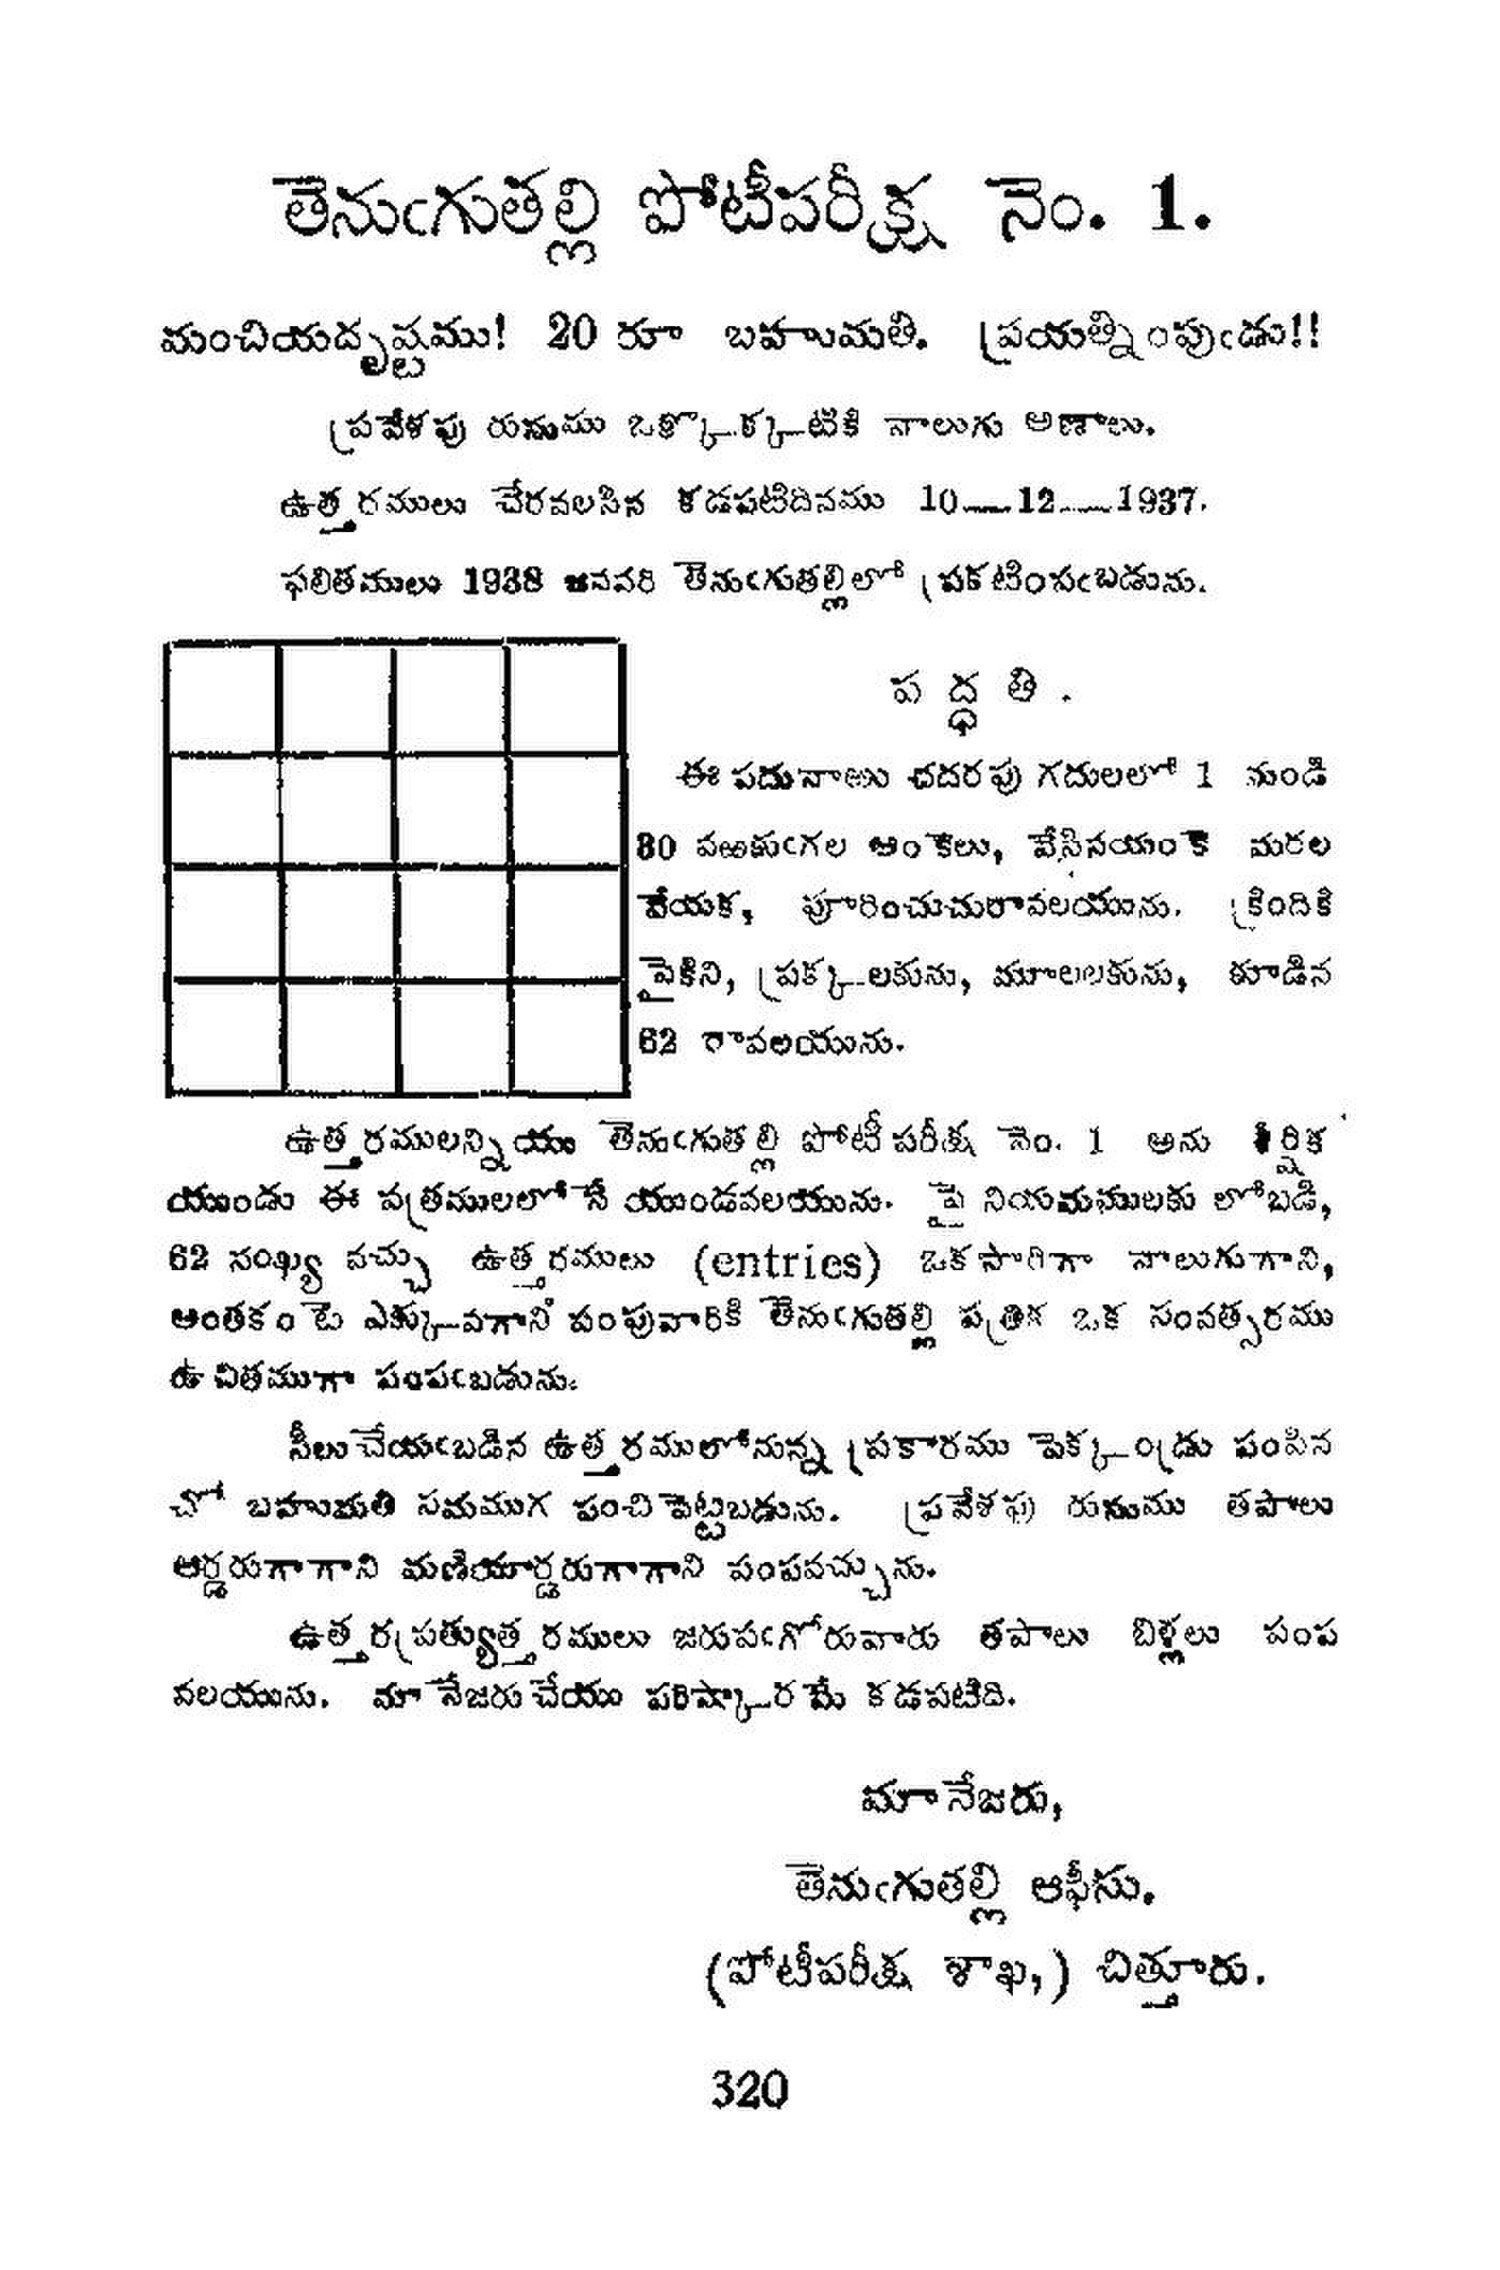ఈ పదునాఱు చదరపు గడులలో 1 నుండి 80 వఱకుఁగల అంకెలు, వేసినయంకె మరల వేయక, పూరించుచురావలయును. క్రిందికి పైకిని, ప్రక్కలకును, మూలలకును, కూడిన 62 రావలయును.

ఉత్తరములన్నియు తెనుఁగుతల్లి పోటీ పరీక్ష నెం.1 శీర్షిక యుండు ఈ పత్రములొనే యుండవలెను. పైనియమములకు లోబడి, 62 సంఖ్య వచ్చు ఉత్తరములు(entreis) ఒకసారిగా నాలుగుగాని, అంతకంటె ఎక్కువగాని పంపువారికి తెనుఁగుతల్లి పత్రిక ఒక సంవత్సరము ఉచితముగా పంపబడును.

సీలుచేయఁబడిన ఉత్తరములోనున్న ప్రకారము పెక్కండ్రు పంపినచో బహుమతి సమముగ పంచిపెట్టబడును. ప్రవేశపు రుసుము తపాల ఆర్డరుగాగాని మణియార్డరుగాగాని పంపవచ్చును.

ఉత్తరప్రత్యుత్తరములు జరుపఁగోరువారు తపాలు బిళ్లలు పంపవలయును. మేనేజరు చేయు పరిష్కారమే కడపటిది.